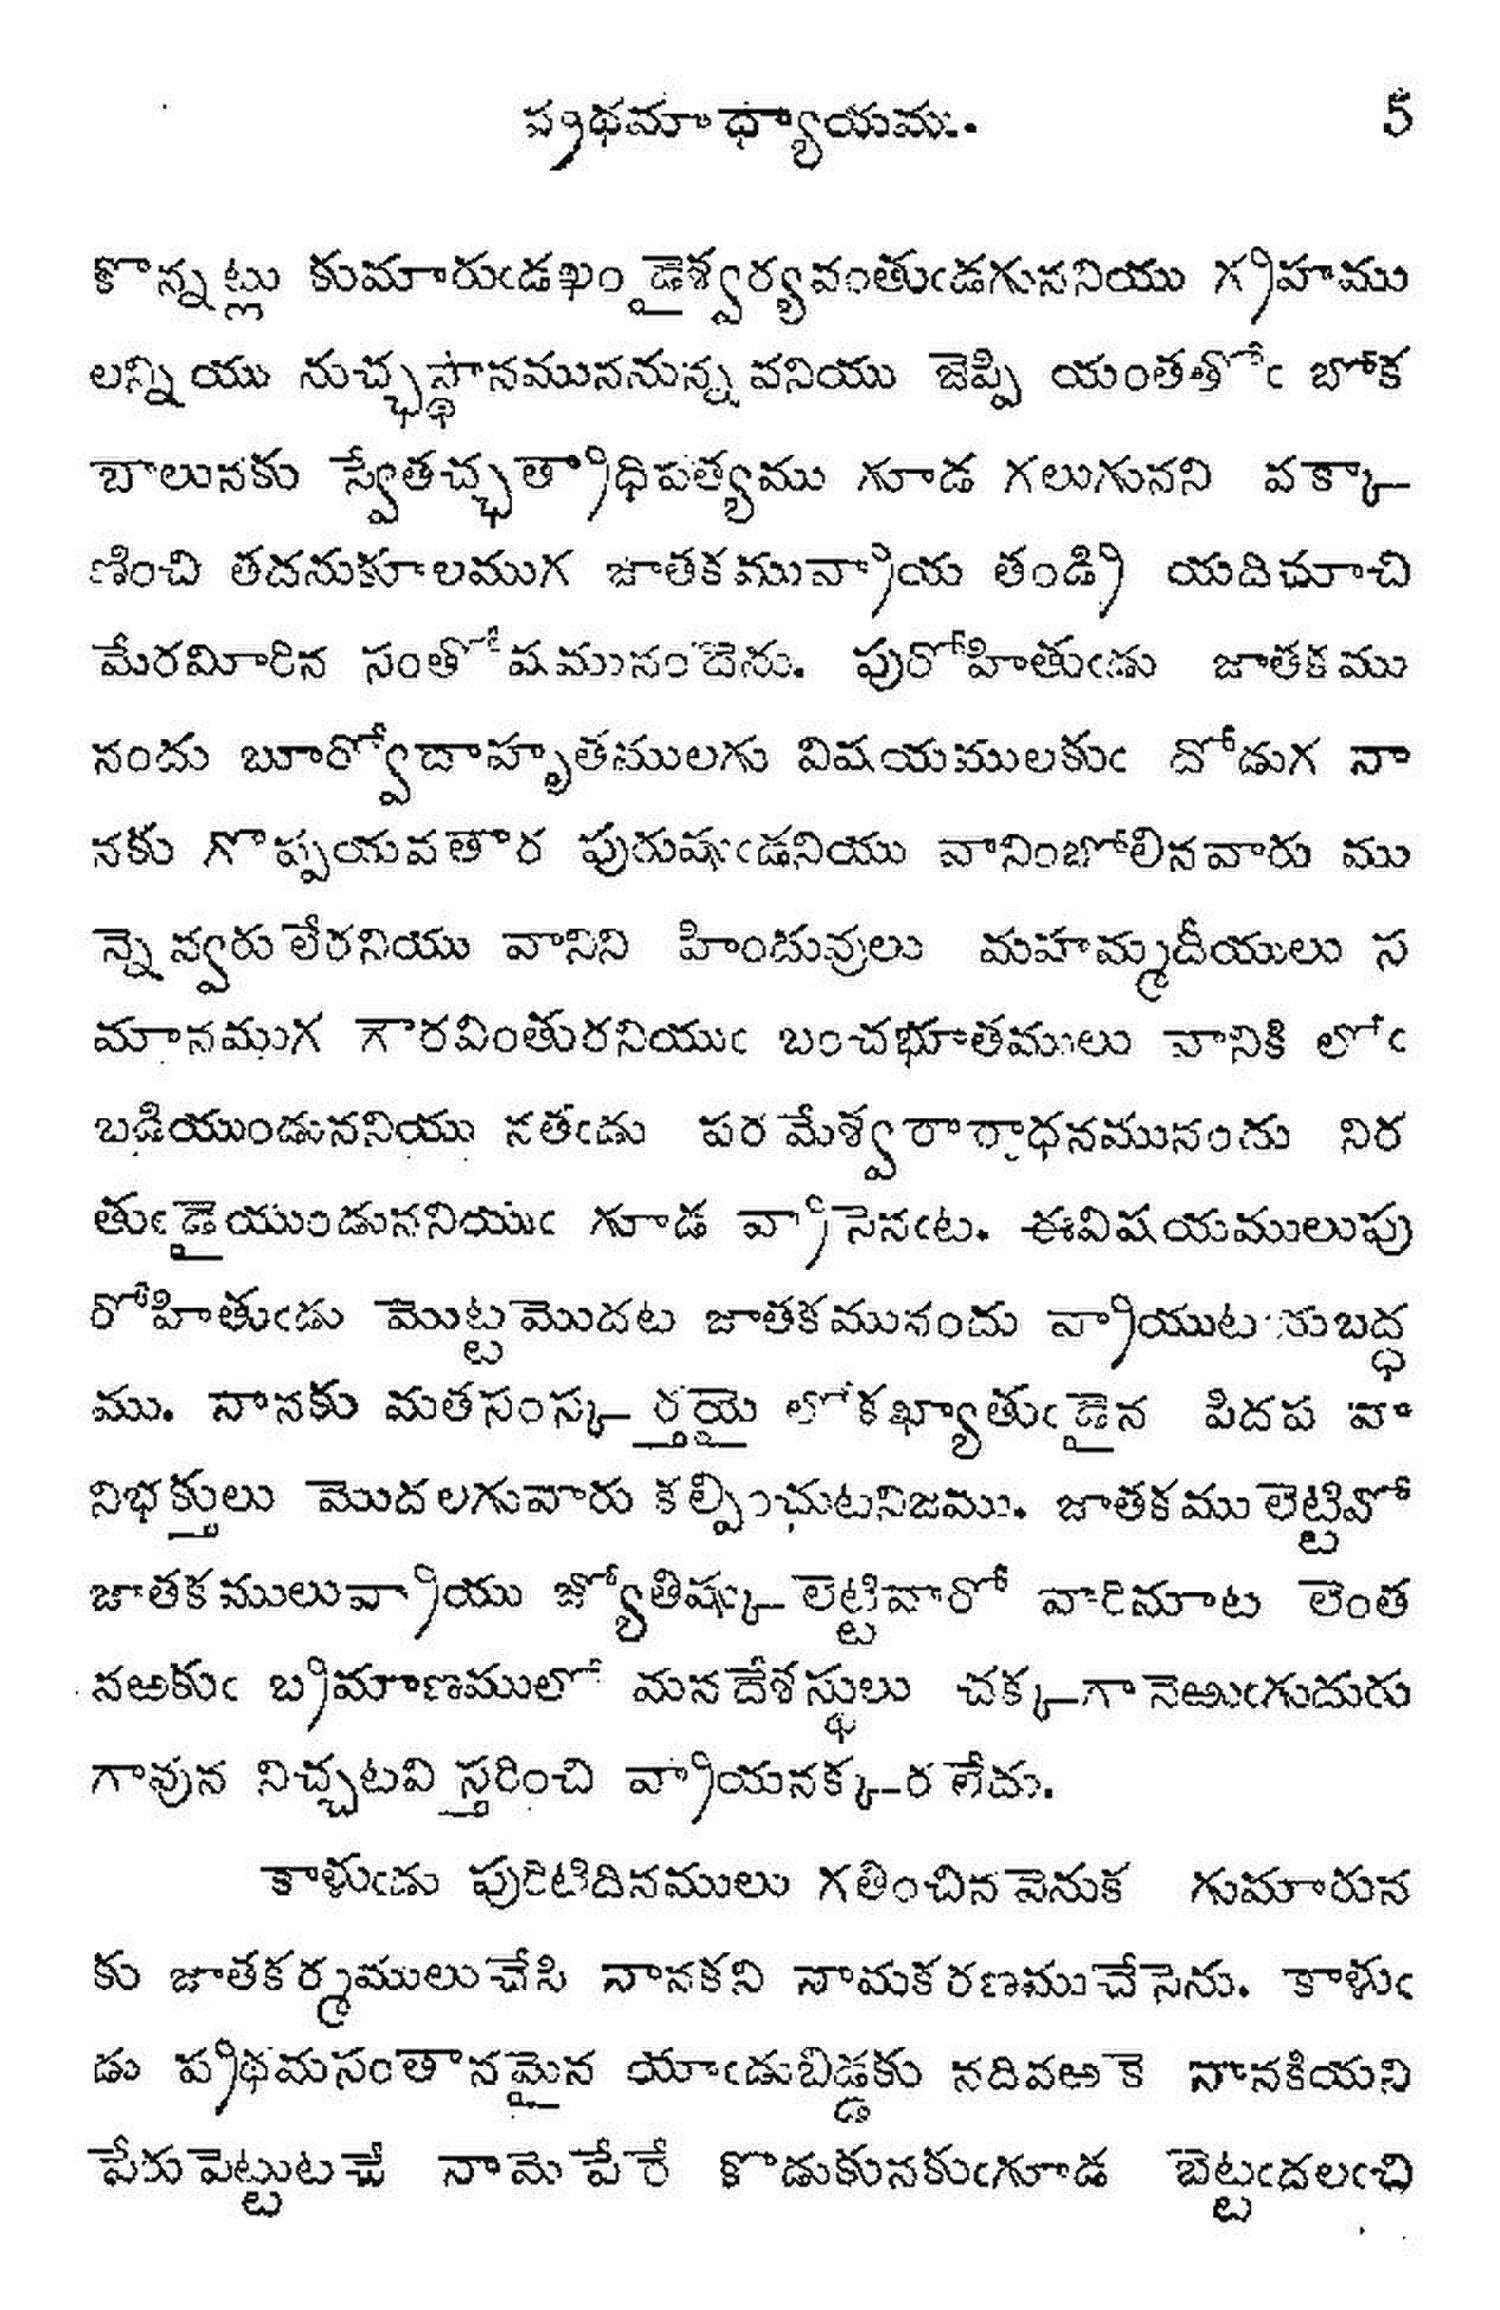కొన్నట్లు కుమారుడఖం డైశ్వర్యవంతుడగుననియు గ్రహములన్నియు నుచ్ఛస్థానముననున్నవనియు జెప్పి యంతతో బోక బాలునకు స్వేతచ్ఛత్రాధిపత్యము గూడ గలుగునని వక్కాణించి తదనుకూలముగ జాతకమువ్రాయ తండ్రి యదిచూచి మేరమీరిన సంతోషమునందెను. పురోహితుడు జాతకము నందు బూర్వోదాహృతములగు విషయములకు దోడుగ నానకు గొప్పయవతార పురుషుడనియు వానింబోలినవారు మున్నెవ్వరులేరనియు వానిని హిందువులు మహమ్మదీయులు సమానముగ గౌరవింతురనియు బంచభూతములు వానికి లోబడియుండుననియు నతడు పరమేశ్వరారాధనమునందు నిరతుడైయుండుననియు గూడ వ్రాసెనట. ఈవిషయములు పురోహితుడు మొట్టమొదట జాతకమునందు వ్రాయుటయబద్ధము. నానకు మతసంస్కర్తయై లోకఖ్యాతుడైన పిదప వానిభక్తులు మొదలగువారు కల్పించుట నిజము. జాతకము లెట్టివో జాతకములువ్రాయు జ్యోతిష్కులెట్టివారో వారిమాట లెంతవఱకు బ్రమాణములో మనదేశస్థులు చక్కగా నెఱుగుదురు. గావున నిచ్చటవిస్తరించి వ్రాయనక్కరలేదు.

కాళుడు పురిటిదినములు గతించిన వెనుక గుమారునకు జాతకకర్మములుచేసి నానకని నామకరణముచేసెను. కాళుడు ప్రథమసంతానమైన యాడుబిడ్డకు నదివఱకె నానకియని పేరుపెట్టుటచే నామెపేరే కొడుకునకుగూడ బెట్టదలచి